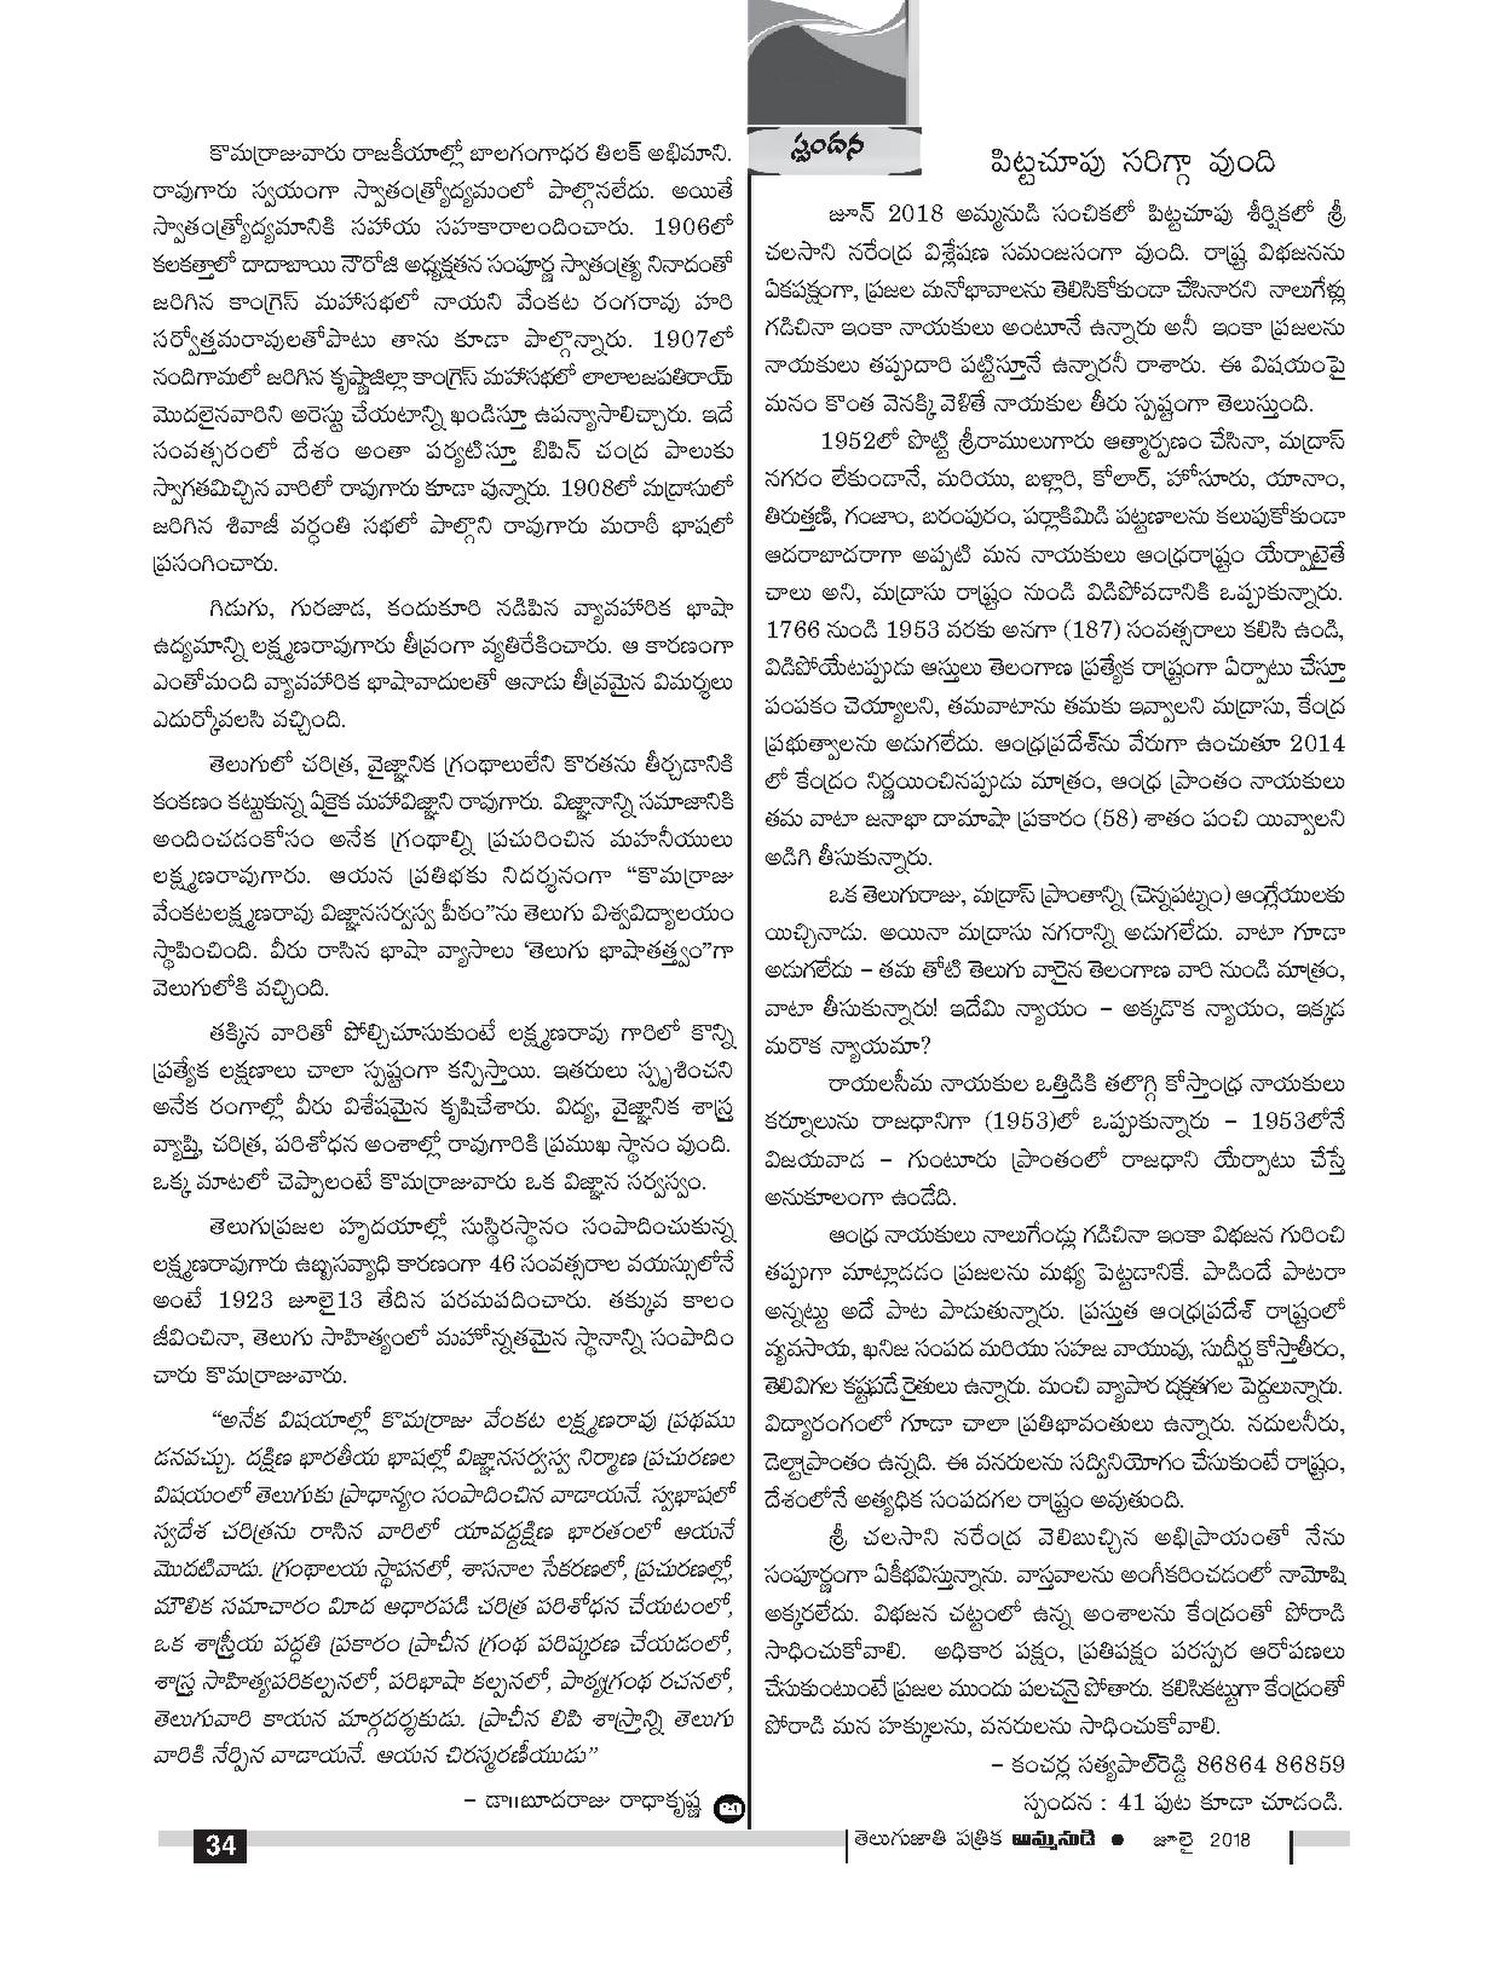కొమర్రాజువారు రాజకీయాల్లో బాలగంగాధర తిలక్‌ అభిమాని. రావుగారు స్వయంగా స్వాతంత్ర్యోద్యమంలో పాల్గొనలేదు. అయితే స్వాతంత్రోద్యమానికి సహాయ సహకారాలందించారు. 1906లో కలకత్తాలో దాదాబాయి నౌరోజి అధ్యక్షతన సంపూర్ణ స్వాతంత్ర్య నినాదంతో జరిగిన కాంగ్రెస్‌ మహాసభలో నాయని వేంకట రంగరావు హరిసర్వోత్తమరావులతోపాటు తాను కూడా పాల్గొన్నారు. 1907లో నందిగామలో జరిగిన కృష్ణాజిల్లా కాంగైస్‌ మహాసభలో లాలాలజపతిరాయ్‌ మొదలైనవారిని అరెస్టు చేయటాన్ని ఖండిస్తూ ఉపన్యాసాలిచ్చారు. ఇదే సంవత్సరంలో దేశం అంతా పర్యటిస్తూ బిపిన్‌ చంద్ర పాలుకు స్వాగతమిచ్చిన వారిలో రావుగారు కూడా వున్నారు. 1908లో మద్రాసులో జరిగిన శివాజీ వర్ధంతి సభలో పాల్గొని రావుగారు మరాఠీ భాషలో ప్రసంగించారు.

గిడుగు, గురజాడ, కందుకూరి నడిపిన వ్యావహారిక భాషా ఉద్యమాన్ని లక్ష్మణరావుగారు తీవ్రంగా వ్యతిరేకించారు. ఆ కారణంగా ఎంతోమంది వ్యావహారిక భాషావాదులతో ఆనాడు తీవ్రమైన విమర్శలు
ఎదుర్కోవలసి వచ్చింది.

తెలుగులో చరిత్ర, వైజ్ఞానిక గ్రంథాలులేని కొరతను తీర్చడానికి కంకణం కట్టుకున్న ఏకైక మహావిజ్ఞాని రావుగారు. విజ్ఞానాన్ని సమాజానికి అందించడంకోసం అనేక గ్రంథాల్ని ప్రచురించిన మహనీయులు
లక్ష్మణరావుగారు. ఆయన ప్రతిభకు నిదర్శనంగా “కొమర్రాజు వేంకటలక్ష్మణరావు విజ్ఞానసర్వస్వ పీఠం”ను తెలుగు విశ్వవిద్యాలయం స్థాపించింది. వీరు రాసిన భాషా వ్యాసాలు 'తెలుగు భాషాతత్త్వం” గా వెలుగులోకి వచ్చింది.

తక్కిన వారితో పోల్చిచూసుకుంటే లక్ష్మణరావు గారిలో కొన్ని ప్రత్యేక లక్షణాలు చాలా స్పష్టంగా కన్పిస్తాయి. ఇతరులు స్పృశించని అనేక రంగాల్లో వీరు విశేషమైన కృషిచేశారు. విద్య, వైజ్ఞానిక శాస్త్ర వ్యాప్తి చరిత్ర, పరిశోధన అంశాల్లో రావుగారికి ప్రముఖ స్థానం వుంది. ఒక్క మాటలో చెప్పాలంటే కొమర్రాజువారు ఒక విజ్ఞాన సర్వస్వం.

తెలుగుప్రజల హృదయాల్లో సుస్థిరస్థానం సంపాదించుకున్న లక్ష్మణరావుగారు ఉబ్బసవ్యాధి కారణంగా 46 సంవత్సరాల వయస్సులోనే అంటే 1923 జూలై13 తేదిన పరమపదించారు. తక్కువ కాలం జీవించినా, తెలుగు సాహిత్యంలో మహోన్నతమైన స్థానాన్ని సంపాదించారు కొమర్రాజువారు.

“అనేక విషయాల్లో కొమర్రాజు వేంకట లక్ష్మణరావు ప్రథము డనవచ్చు. దక్షిణ భారతీయ భాషల్లో విజ్ఞాననర్వస్వ నిర్మాణ ప్రచురణల విషయంలో తెలుగుకు ప్రాధాన్యం సంపాదించిన వాడాయనే. స్వభాషలో న్వదేశ చరిత్రను రాసిన వారిలో యావద్దక్షిణ భారతంలో ఆయనే మొదటివాడు. గ్రంథాలయ స్థాపనలో శాసనాల సేకరణలో, ప్రచురణల్లో, మౌలిక సమాచారం మీద ఆధారపడి చరిత్ర పరిశోధన చేయటంలో, ఒక శాస్త్రీయ పద్ధతి వ్రకారం ప్రాచీన గ్రంథ పరిష్కరణ చేయడంలో, శాస్త్ర సాహిత్యపరికల్పినలో, పరిభాషా కల్పనలో, పాఠ్యగ్రంథ రచనలో, తెలుగువారి కాయన మార్గదర్శకుడు. ప్రాచీన లిపి శాస్త్రాన్ని తెలుగు వారికి నేర్పిన వాడాయనే ఆయన చిరస్మరణీయుడు”

 

పిట్టచూపు సరిగ్గా వుంది

జూన్‌ 2018 అమ్మనుడి సంచికలో పిట్టచూపు శీర్షికలో శ్రీ చలసాని నరేంద్ర విశ్లేషణ సమంజసంగా వుంది. రాష్ట్ర విభజనను ఏకపక్షంగా, ప్రజల మనోభావాలను తెలిసికోకుండా చేసినారని నాలుగేళ్లు
గడిచినా ఇంకా నాయకులు అంటూనే ఉన్నారు అనీ ఇంకా ప్రజలను నాయకులు తప్పుదారి పట్టిస్తూనే ఉన్నారనీ రాశారు. ఈ విషయంపై మనం కొంత వెనక్కి వెళితే నాయకుల తీరు స్పష్టంగా తెలుస్తుంది.

1952లో పొట్టి శ్రీరాములుగారు ఆత్మార్పణం చేసినా, మద్రాస్‌ నగరం లేకుండానే, మరియు, బళ్లారి, కోలార్‌, హోసూరు, యానాం, తిరుత్తణి, గంజాం, బరంపురం, పర్లాకిమిడి పట్టణాలను కలుపుకోకుండా
ఆదరాబాదరాగా అప్పటి మన నాయకులు ఆంధ్రరాష్ట్రం యేర్చాటైతే చాలు అని, మద్రాసు రాష్ట్రం నుండి విడిపోవడానికి ఒప్పుకున్నారు. 1766 నుండి 1953 వరకు అనగా (187) సంవత్సరాలు కలిసి ఉండి, విడిపోయేటప్పుడు ఆస్తులు తెలంగాణ ప్రత్యేక రాష్ట్రంగా ఏర్పాటు చేస్తూ పంపకం చెయ్యాలని, తమవాటాను తమకు ఇవ్వాలని మద్రాసు, కేంద్ర ప్రభుత్వాలను అడుగలేదు. ఆంధ్రప్రదేశ్‌ను వేరుగా ఉంచుతూ 2014లో కేంద్రం నిర్ణయించినప్పుడు మాత్రం, ఆంధ్ర ప్రాంతం నాయకులు తమ వాటా జనాభా దామాషా ప్రకారం (58) శాతం పంచి యివ్వాలని అడిగి తీసుకున్నారు.

ఒక తెలుగురాజు మద్రాస్‌ ప్రాంతాన్ని (చెన్నపట్నం) ఆంగ్లేయులకు యిచ్చినాడు. అయినా మద్రాసు నగరాన్ని అడుగలేదు. వాటా గూడా అడుగలేదు - తమ తోటి తెలుగు వారైన తెలంగాణ వారి నుండి మాత్రం, వాటా తీసుకున్నారు! ఇదేమి న్యాయం - అక్కడొక న్యాయం, ఇక్కడ మరొక న్యాయమా?

రాయలసీమ నాయకుల ఒత్తిడికి తలొగ్గి కోస్తాంధ్ర నాయకులు కర్నూలును రాజధానిగా (1953)లో ఒప్పుకున్నారు - 1953లోనే విజయవాడ - గుంటూరు ప్రాంతంలో రాజధాని యేర్పాటు చేస్తే
అనుకూలంగా ఉండేది.

ఆంధ్ర నాయకులు నాలుగేండ్లు గడిచినా ఇంకా విభజన గురించి తప్పుగా మాట్లాడడం ప్రజలను మభ్య పెట్టడానికే. పాడిందే పాటరా అన్నట్టు అదే పాట పాడుతున్నారు. ప్రస్తుత ఆంధ్రప్రదేశ్‌ రాష్ట్రంలో
వ్యవసాయ, ఖనిజ సంపద మరియు సహజ వాయువు, సుదీర్ఘ కోస్తాతీరం, తెలివిగల కష్టపడేరైతులు ఉన్నారు. మంచి వ్యాపార దక్షతగల పెద్దలున్నారు. విద్యారంగంలో గూడా చాలా ప్రతిభావంతులు ఉన్నారు. నదులనీరు, డెల్టాప్రాంతం ఉన్నది. ఈ వనరులను సద్వినియోగం చేసుకుంటే రాష్ట్రం,
దేశంలోనే అత్యధిక సంపదగల రాష్ట్రం అవుతుంది.

శ్రీ చలసాని నరేంద్ర వెలిబుచ్చిన అభిప్రాయంతో నేను సంపూర్ణంగా ఏకీభవిస్తున్నాను. వాస్తవాలను అంగీకరించడంలో నామోషి అక్కరలేదు. విభజన చట్టంలో ఉన్న అంశాలను కేంద్రంతో పోరాడి
సాధించుకోవాలి. అధికార పక్షం, ప్రతిపక్షం పరస్పర ఆరోపణలు చేసుకుంటుంటే ప్రజల ముందు పలచనై పోతారు. కలిసికట్టుగా కేంద్రంతో పోరాడి మన హక్కులను, వనరులను సాధించుకోవాలి.